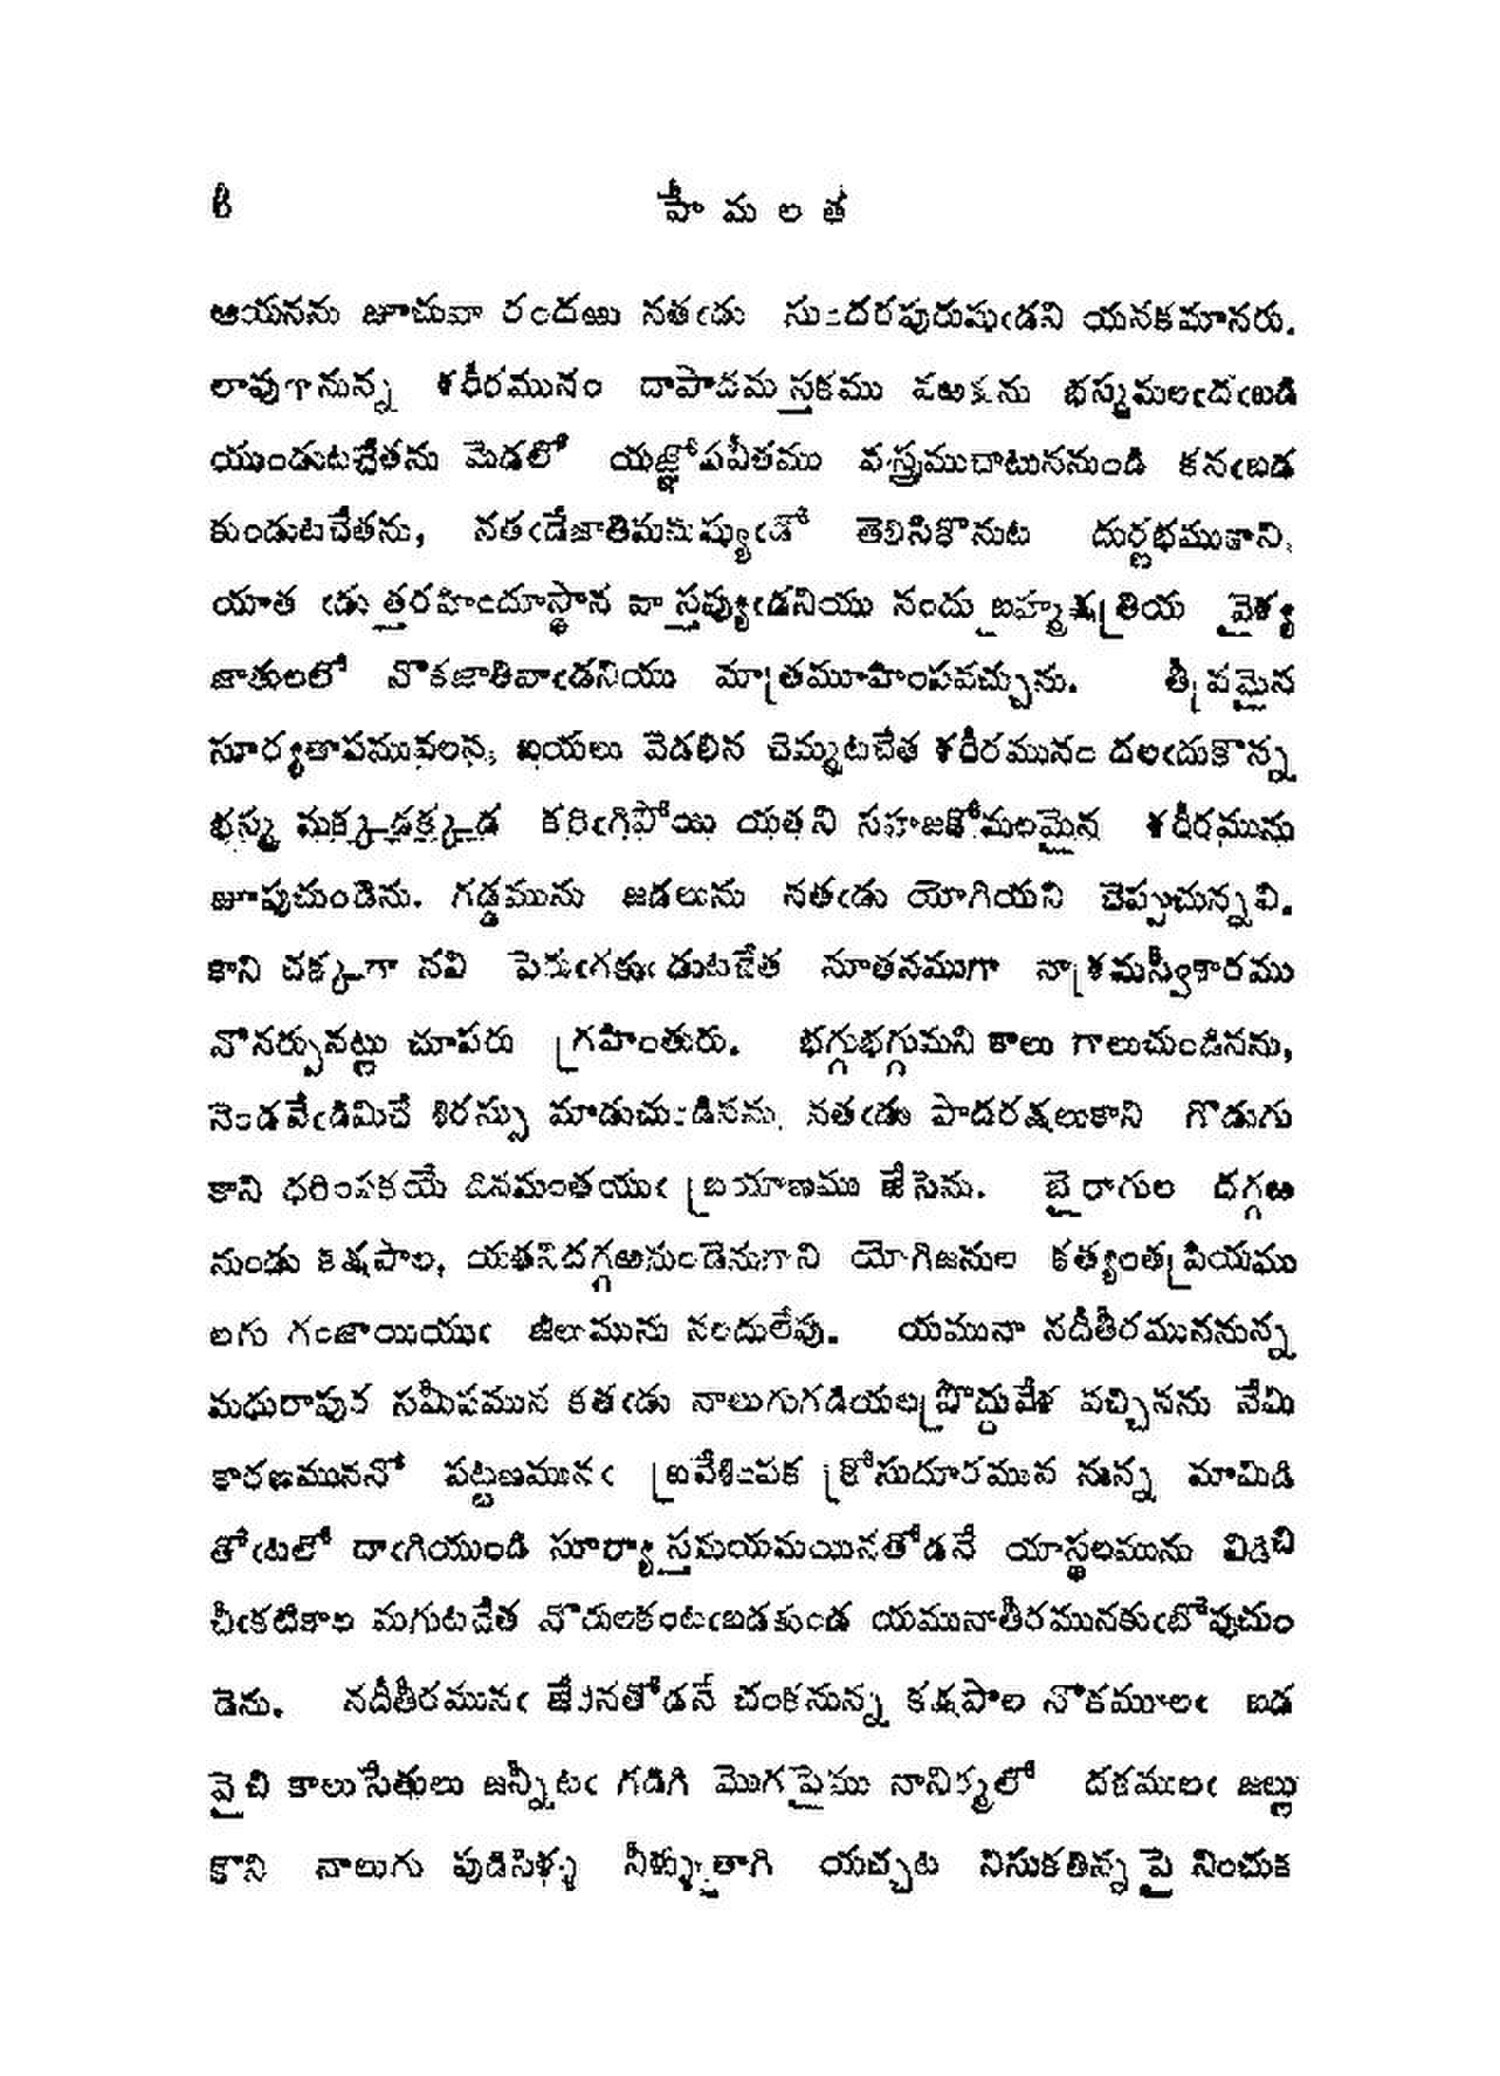ఆయనను జూచువా రందఱు నతఁడు సుదరపురుషుఁడని యనకమానరు. లావుగానున్న శరీరమునం దాపాదమస్తకము వఱకును భస్మమలఁదఁబడి యుండుట చేతను మెడలో యజ్ఞోపవీతము వస్త్రముచాటుననుండి కనఁబడ కుండుటచేతను, నతఁడేజాతిమనుష్యుఁడో తెలిసికొనుట దుర్లభముగాని, యాతఁడు త్తరహిందూస్థాన వాస్తవ్యుఁడనియు నందు బ్రహ్మక్షత్రియ వైశ్య జాతులలో నొకజాతివాఁడనియు మాత్రమూహింపవచ్చును. తీవ్రమైన సూర్యతాపమువలన, బయలు వెడలిన చెమ్మటచేత శరీరమునం దలఁదుకొన్న భస్మ మక్కడక్కడ కరిఁగిపోయి యతని సహజకోమలమైన శరీరమును జూపుచుండెను. గడ్డమును జడలను నతఁడు యోగియని చెప్పుచున్నవి. కాని చక్కగా నవి పెరుఁగకుండుటచేత నూతనముగా నాశ్రమస్వీకారము నొనర్పునట్లు చూపరులు గ్రహింతురు. భగ్గుభగ్గుమని కాలు గాలుచుండినను, నెండవేడిమిచే శిరస్సు మాడుచుండినను, నతఁడు పాదరక్షలుకాని గొడుగు కాని ధరింపకయే దినమంతయుఁ బ్రయాణము జేసెను. బైరాగుల దగ్గఱ నుండు కక్షపాల, యతనిదగ్గఱనుండెనుగాని యోగిజనుల కత్యంత ప్రియము లగు గంజాయియుఁ జిలుమును నందులేవు. యమునా నదీతీరముననున్న మధురాపుర సమీపమున కతఁడు నాలుగుగడియల ప్రొద్దువేళ వచ్చినను నేమి కారణముననో పట్టణమునఁ బ్రవేశింపక క్రోసుదూరమున నున్న మామిడి తోఁటలో దాఁగియుండి సూర్యాస్తమయమయినతోడనే యాస్థలమును విడిచి చీఁకటికాల మగుటచేత నొరులకంటఁబడకుండ యమునాతీరమునకుఁబోవుచుం డెను. నదీతీరమునఁ జేరినతోడనే చంకనున్న కక్షపాల నొకమూలఁ బడ వైచి కాలుసేతులు జన్నీటఁ గడిగి మొగపైము నానిర్మలో దకములఁ జల్లుకొని నాలుగు పుడిసిళ్ళ నీళ్ళుత్రాగి యచ్చట నిసుక తిన్నపై నించుక